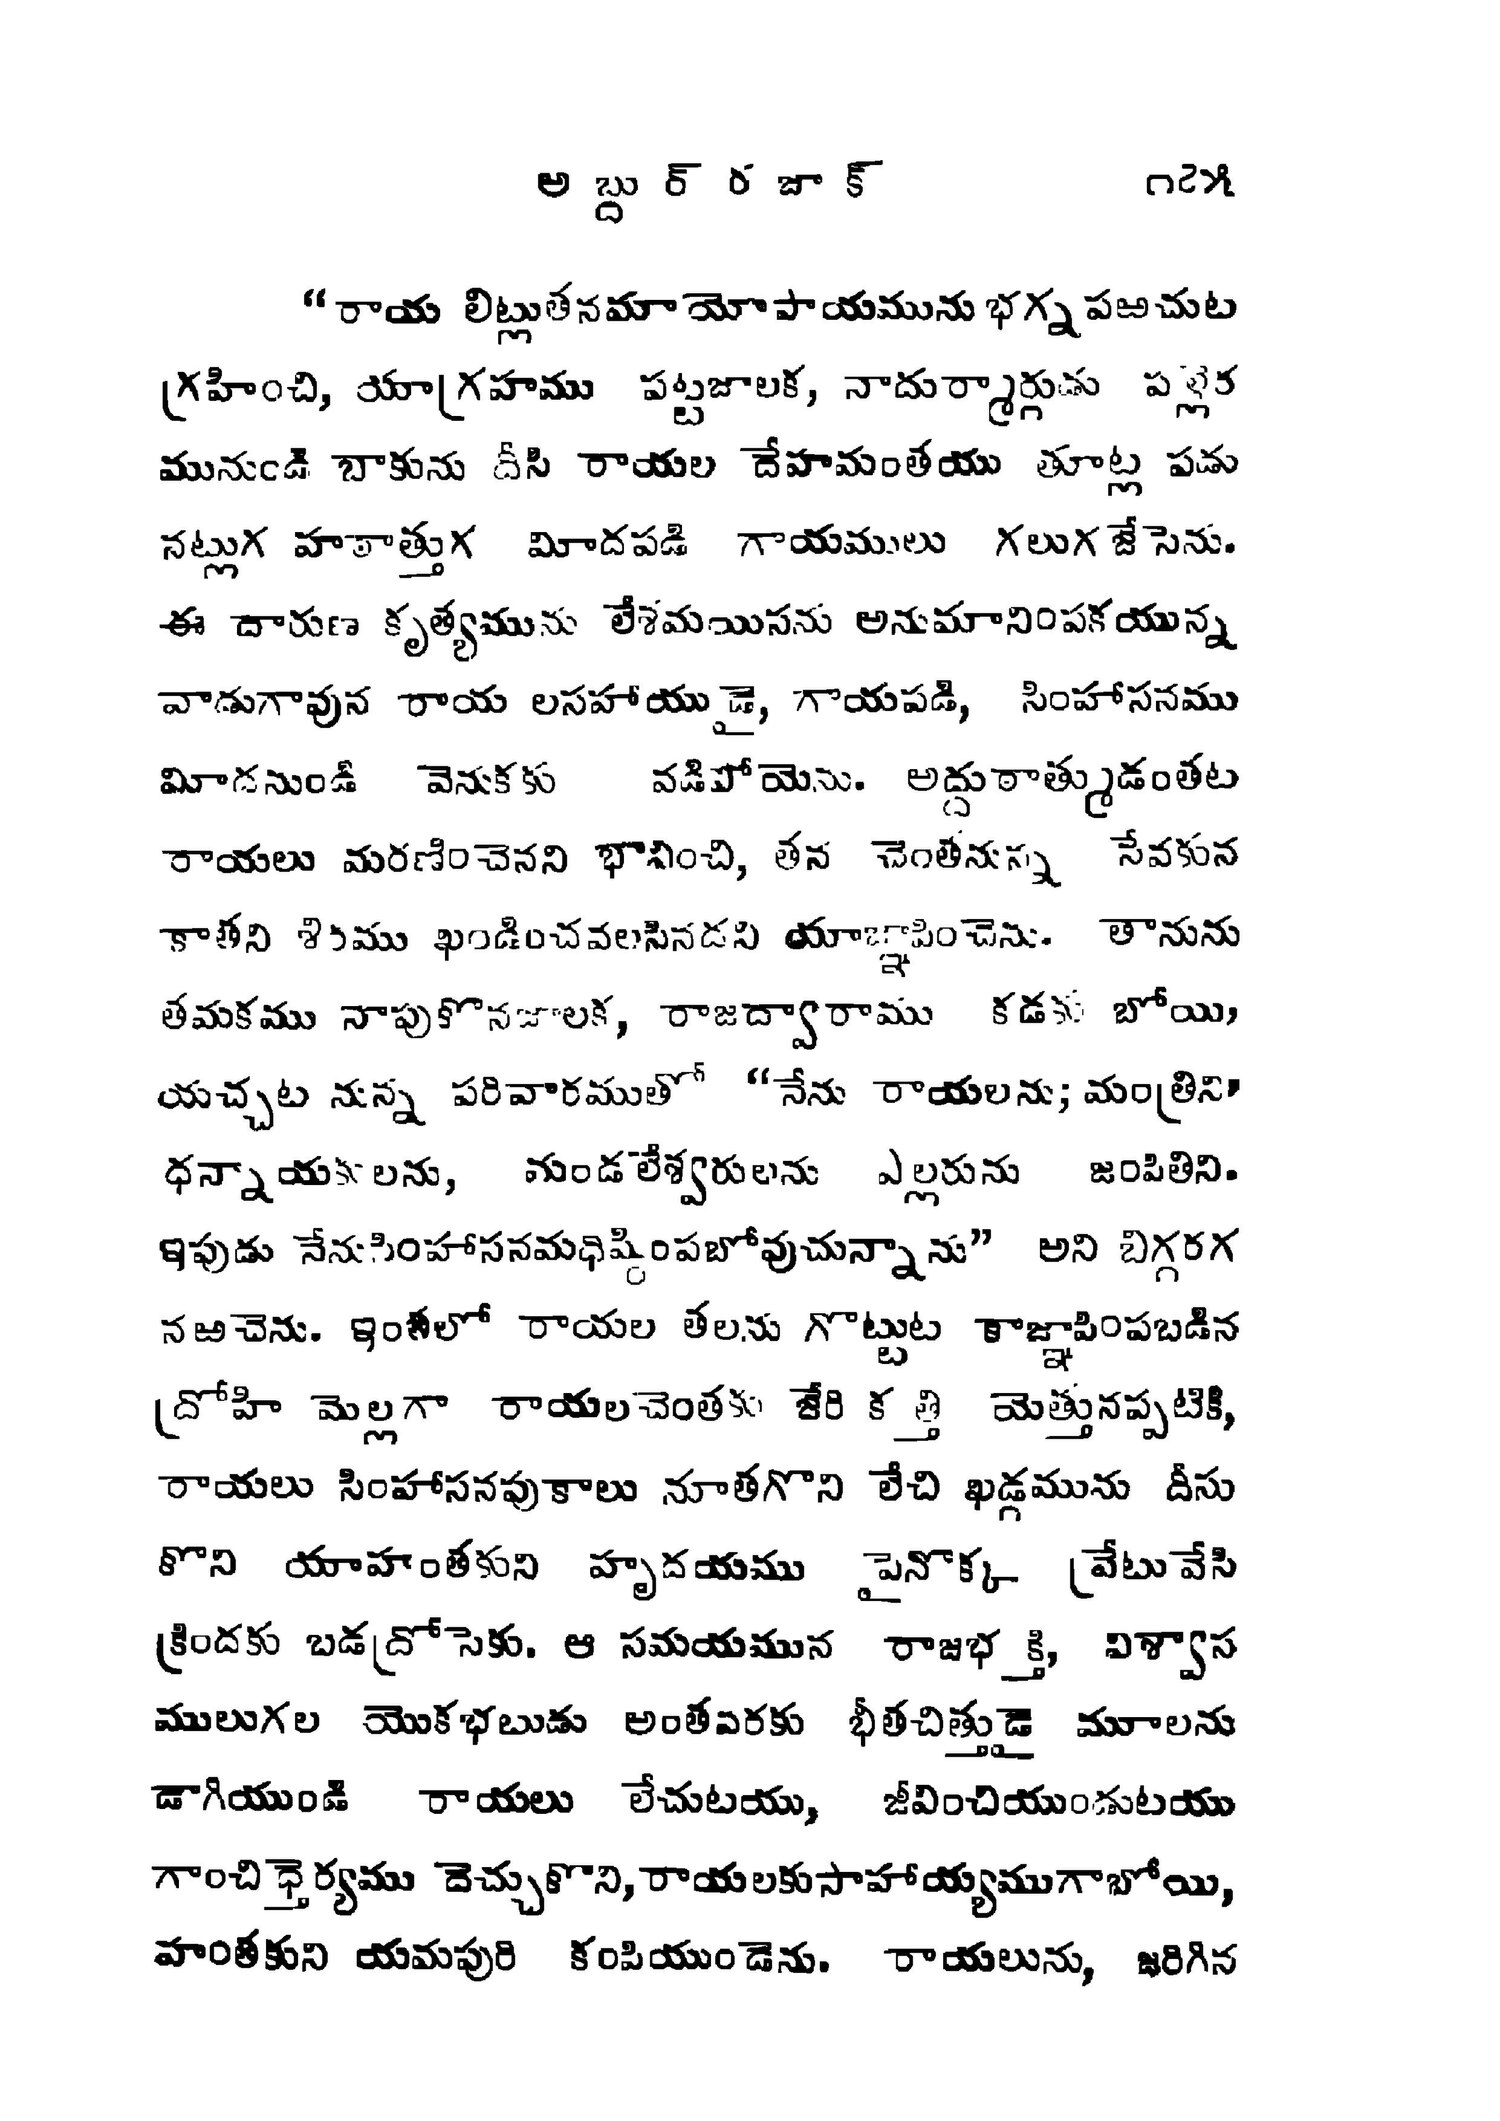"రాయ లిట్లుతనమాయోపాయమును భగ్నపఱచుట గ్రహించి, యాగ్రహము పట్టజాలక, నాదుర్మార్గుడు పళ్లెరమునుండి బాకును దీసి రాయల దేహమంతయు తూట్ల పడునట్లుగ హఠాత్తుగ మీదపడి గాయములు గలుగజేసెను. ఈ దారుణ కృత్యమును లేశమయినను అనుమానింపకయున్న వాడుగావున రాయ లసహాయుడై, గాయపడి, సింహాసనము మీదనుండి వెనుకకు పడిపోయెను. అద్దురాత్ముడంతట రాయలు మరణించెనని భావించి, తన చెంతనున్న సేవకున కాతని శిరము ఖండించవలసినదని యాజ్ఞాపించెను. తానును తమకము నాపుకొనజాలక, రాజద్వారాము కడకు బోయి, యచ్చట నున్న పరివారముతో "నేను రాయలను; మంత్రిని ధన్నాయకులను, మండలేశ్వరులను ఎల్లరును జంపితిని. ఇపుడు నేనుసింహాసనమధిష్ఠింపబోవుచున్నాను" అని బిగ్గరగ నఱచెను. ఇంతలో రాయల తలను గొట్టుట కాజ్ఞాపింప బడిన ద్రోహి మెల్లగా రాయలచెంతకు జేరి కత్తి యెత్తునప్పటికి, రాయలు సింహాసనపుకాలు నూతగొని లేచి ఖడ్గమును దీసుకొని యాహంతకుని హృదయము పైనొక్క వ్రేటువేసి క్రిందకు బడద్రోసెను. ఆ సమయమున రాజభక్తి, విశ్వాసములుగల యొక భటుడు అంతవరకు భీతచిత్తుడై మూలను దాగియుండి రాయలు లేచుటయు, జీవించి యుండుటయు గాంచిధైర్యము దెచ్చుకొని, రాయలకుసాహాయ్యము గాబోయి, హంతకుని యమపురి కంపియుండెను. రాయలును, జరిగిన